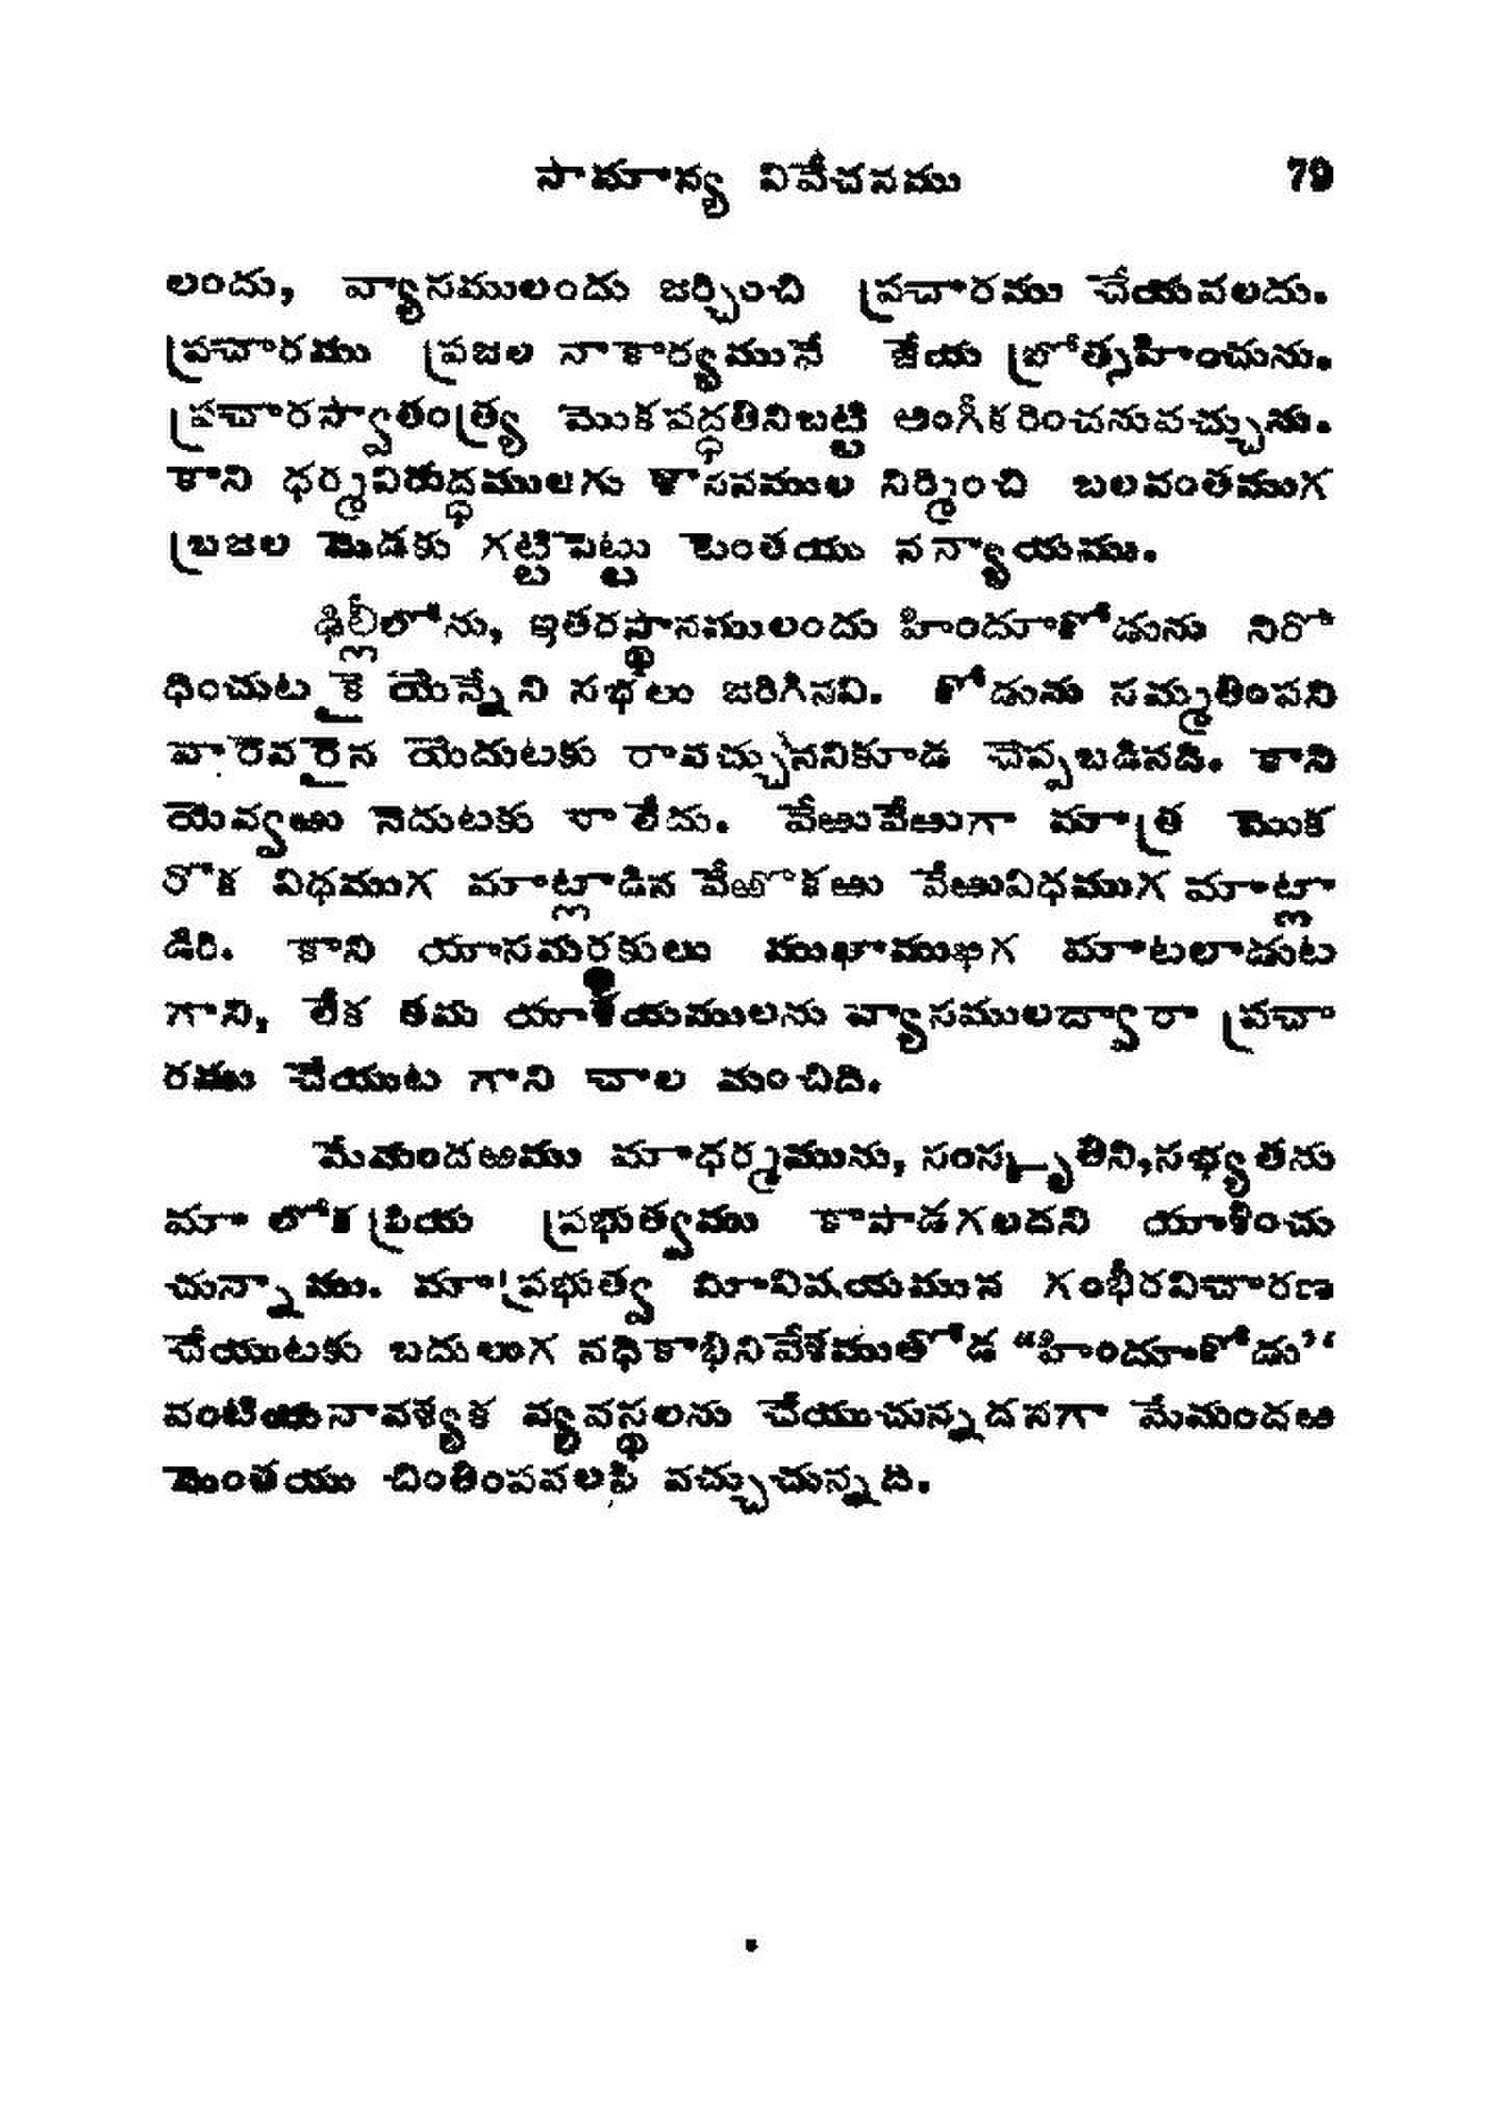లందు, వ్యాసములందు జర్చించి ప్రచారము చేయవలదు.
ప్రచారము ప్రజల నాకార్యమునే జేయ ప్రోత్సహించును.
ప్రచారస్వాతంత్య్ర మొక పద్ధతినిబట్టి అంగీకరించనువచ్చును.
కాని ధర్మవిశుద్ధములగు శాసనముల నిర్మించి బలవంతముగ
బ్రజల మెడకు గట్టిపెట్టు పెంతయు నన్యాయము.

ఢిల్లీలోను, ఇతరస్థానములందు హిందూకోడును నిరోధించుట 
కైయేన్నేని సభలు జరిగినవి. కోడును సమ్మతింపని
వారెవరైన యెదుటకు రావచ్చుననికూడ చెప్పబడినది. కాని
యెవ్వఱు నెదుటకు రాలేదు. వేఱువేఱుగా మాత్ర మొకరొక 
విధముగ మాట్లాడిన వేఱొకఱు వేఱువిధముగ మాట్లా
డిరి. కాని యాసమర్థకులు ముఖాముఖిగ మాటలాడుట
గాని, లేక తమ యాశయములను వ్యాసములద్వారా ప్రచారము 
చేయుట గాని చాల మంచిది.

మేమందఱము మాధర్మమును, సంస్కృతిని, సభ్యతను
మా లోకప్రియ ప్రభుత్వము కాపాడగలదని యాశించు
చున్నాము. మా ప్రభుత్వ మీవిషయమున గంభీరవిచారణ
చేయుటకు బదులుగ నధికాభినివేశముతోడ "హిందూకోడు" 
వంటియనావశ్యక వ్యవస్థలను చేయుచున్నదనగా మేమందఱు
మెంతయు చింతింపవలసి వచ్చుచున్నది.